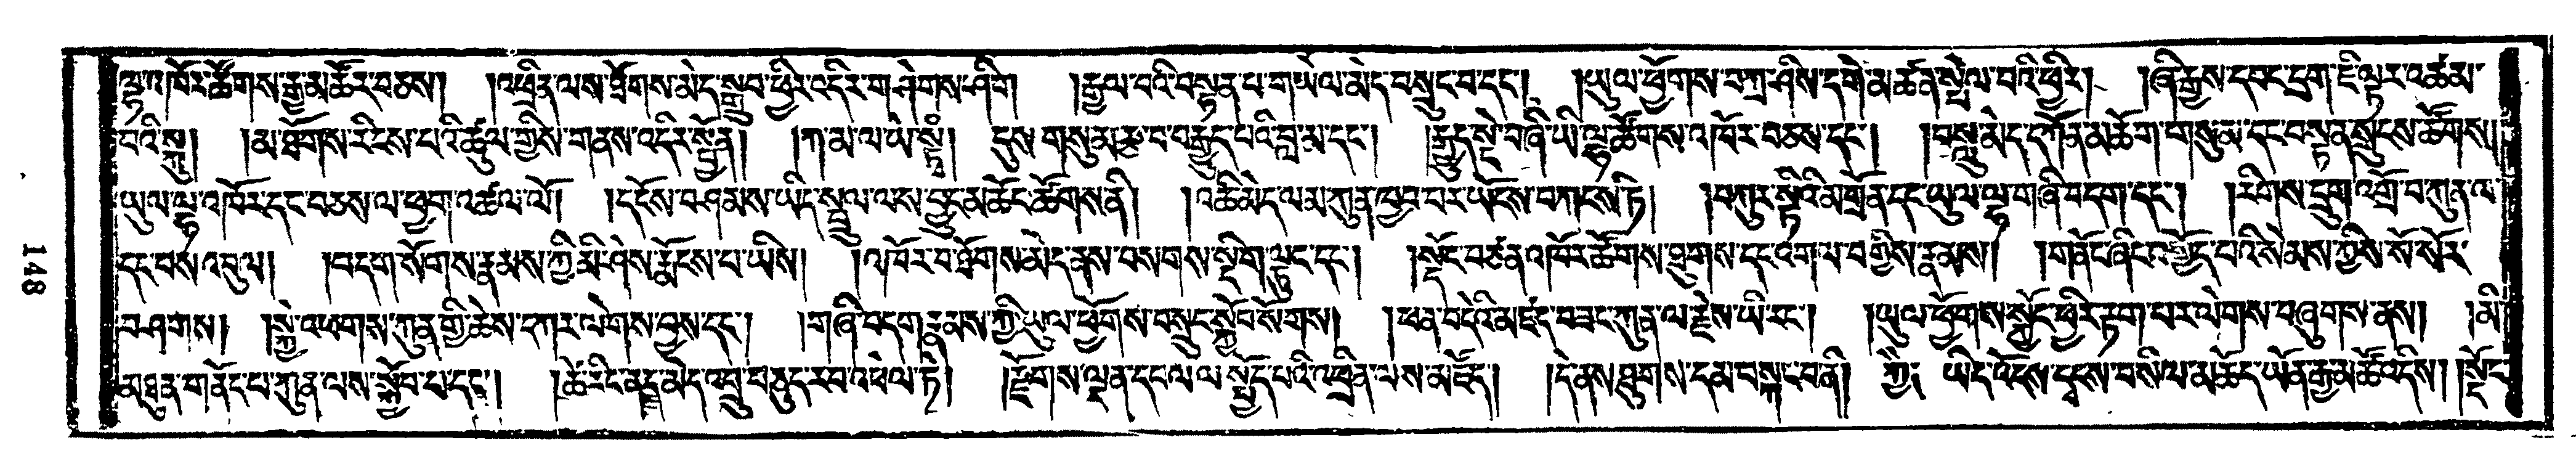ལྷ་འཁོར་ཚོགས་རྒྱ་མཚོར་བཅས། །འཕྲིན་ལས་ཐོགས་མེད་སྒྲུབ་ཕྱིར་འདིར་གཤེགས་ཤིག །རྒྱལ་བའི་བསྟན་པ་གཡེལ་མེད་བསྲུང་བ་དང་། །ཡུལ་ཕྱོགས་བཀྲ་ཤིས་དགེ་མཚན་སྤེལ་བའི་ཕྱིར། །ཞི་རྒྱས་དབང་དྲག་ཇི་ལྟར་འཚམ་
བའི་སྐུ། །མ་ཐོགས་རིངས་པའི་ཚུལ་གྱིས་གནས་འདིར་སྤྱོན། །ཀ་མ་ལ་ཡེ་སྟྭཾ། དུས་གསུམ་རྩ་བ་བརྒྱུད་པའི་བླ་མ་དང་། །རྒྱུད་སྡེ་བཞི་ཡི་ལྷ་ཚོགས་འཁོར་བཅས་དང་། །བསླུ་མེད་དཀོན་མཆོག་གསུམ་དང་བསྟན་སྲུངས་ཚོགས།
ཡུལ་ལྷ་འཁོར་དང་བཅས་ལ་ཕྱག་འཚལ་ལོ། །དངོས་བཤམས་ཡིད་སྦྲུལ་ལས་བྱུང་མཆོད་ཚོགས་ནི། །འཆི་མེད་ལམ་ཀུན་ཁྱབ་པར་ཡོངས་བཀངས་ཏི། །བཀུར་སྟིའི་མགྲོན་དང་ཡུལ་ལྷ་གཞི་བདག་དང་། །རིགས་དྲུག་འགྲོ་བ་ཀུན་ལ་
དང་བས་འབུལ། །བདག་སོགས་རྣམས་ཀྱི་མི་ཤེས་རྨོངས་པ་ཡིས། །འཁོར་བ་ཐོགས་མེད་ནས་བསགས་སྡིག་ལྟུང་དང་། །སྡོང་བཙན་འཁོར་ཚོགས་ཐུགས་དང་འགལ་བགྱིས་རྣམས། །གནོང་ཞིང་འགྱོད་པའི་སེམས་ཀྱིས་སོ་སོར་
བཤགས། །སྐྱེ་འཕགས་ཀུན་གྱི་ཆེས་དཀར་ལེགས་བྱས་དང་། །གཞི་བདག་རྣམས་ཀྱི་ཡུལ་ཕྱོགས་བསྲུང་སྐྱོབ་སོགས། །ཕན་བདེའི་མཛད་བཟང་ཀུན་ལ་རྗེས་ཡི་རང་། །ཡུལ་ཕྱོགས་སྐྱོང་ཕྱིར་རྟག་པར་ལེགས་བཞུགས་ནས། །མི་
མཐུན་གནོད་པ་ཀུན་ལས་སྐྱོབ་པ་དང་། །ཚེ་རིང་ནད་མེད་འབྲུ་བཅུད་རབ་འཕེལ་ཏེ། །རྫོགས་ལྡན་དཔལ་ལ་སྤྱོད་པའི་འཕྲིན་ལས་མཛོད། །དེ་ནས་ཐུགས་དམ་བསྐང་བ་ནི། ཀྱཻ༑ ཡིད་འོངས་དྭངས་བསིལ་མཆོད་ཡོན་རྒྱ་མཚོ་འདིས། །སྡོང་